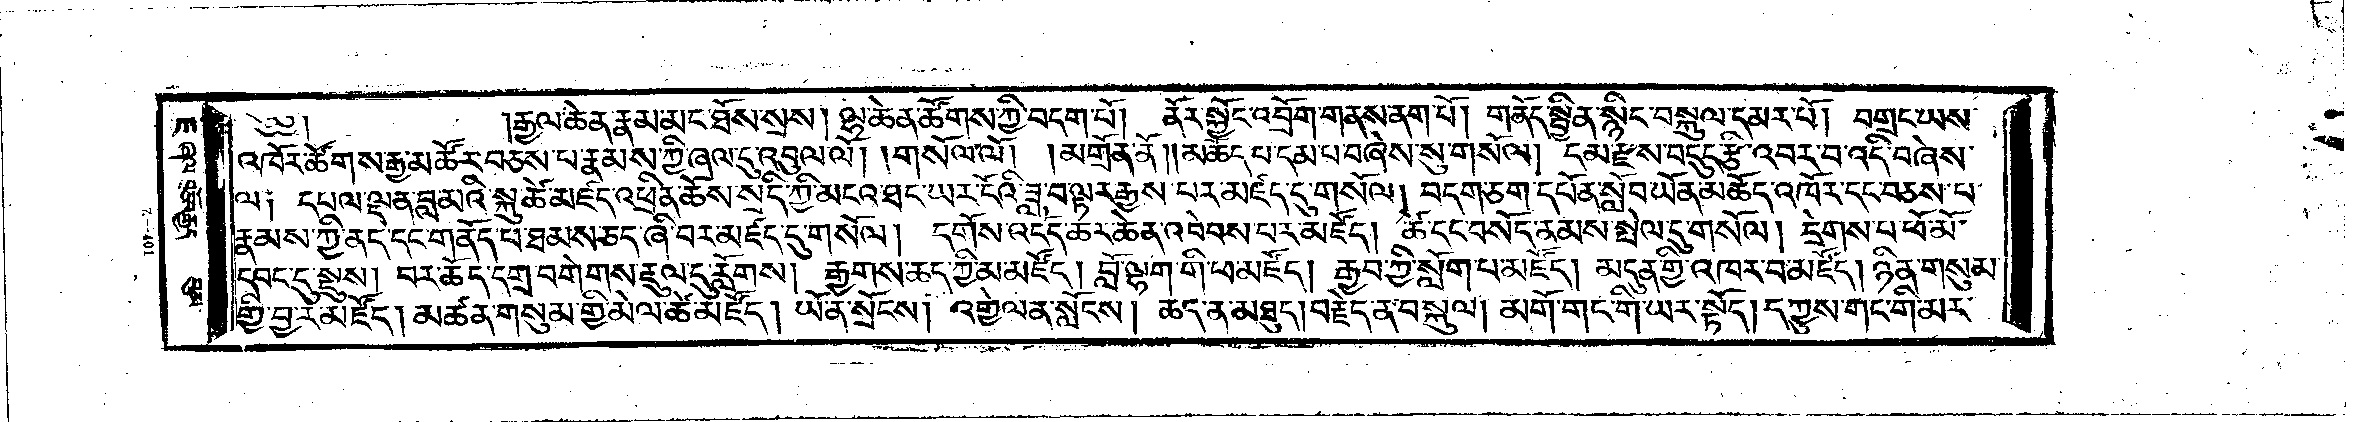༄༅། །རྒྱལ་ཆེན་རྣམ་མང་ཐོས་སྲས། ལྷ་ཆེན་ཚོགས་ཀྱི་བདག་པོ། ནོར་སྐྱོང་འབྲོག་གནས་ནག་པོ། གནོད་སྦྱིན་སྙིང་བསྐུལ་དམར་པོ། བགྲང་ཡས་
འཁོར་ཚོགས་རྒྱ་མཚོར་བཅས་པ་རྣམས་ཀྱི་ཞལ་དུ་འབུལ་ལོ། །གསོལ་ལོ། །མགྲོན་ནོ། །མཆོད་པ་དམ་པ་བཞེས་སུ་གསོལ། དམ་རྫས་བདུད་རྩི་འབར་བ་འདི་བཞེས་
ལ༑ དཔལ་ལྡན་བླ་མའི་སྐུ་ཚེ་མཛད་འཕྲིན་ཆོས་སྲིད་ཀྱི་མངའ་ཐང་ཡར་ངོའི་ཟླ་བ་ལྟར་རྒྱས་པར་མཛད་དུ་གསོལ། བདག་ཅག་དཔོན་སློབ་ཡོན་མཆོད་འཁོར་དང་བཅས་པ་
རྣམས་ཀྱི་ནད་དང་གནོད་པ་ཐམས་ཅད་ཞི་བར་མཛད་དུ་གསོལ། དགོས་འདོད་ཆར་ཆེན་འབེབས་པར་མཛོད། ཚེ་དང་བསོད་ནམས་སྤེལ་དུ་གསོལ། དྲེགས་པ་ཕོ་མོ་
དབང་དུ་སྡུས། བར་ཆོད་དགྲ་བགེགས་རྡུལ་དུ་རློགས། རྒྱགས་ཆད་ཀྱི་མ་མཛོད། བློ་ལྷག་གི་ཕ་མཛོད། རྒྱབ་ཀྱི་སློག་པ་མཛོད། མདུན་གྱི་འཁར་བ་མཛོད། ཉིན་གསུམ་
གྱི་བྱ་བར་མཛོད། མཚན་གསུམ་གྱི་མེལ་ཚེ་མཛོད། ཡོ་ན་སྲོངས། འགྱེལ་ན་སློངས། ཆད་ན་མཐུད། བརྗེད་ན་བསྐུལ། མགོ་གང་གི་ཡར་སྟོད། དཀྱུས་གང་གི་མར་